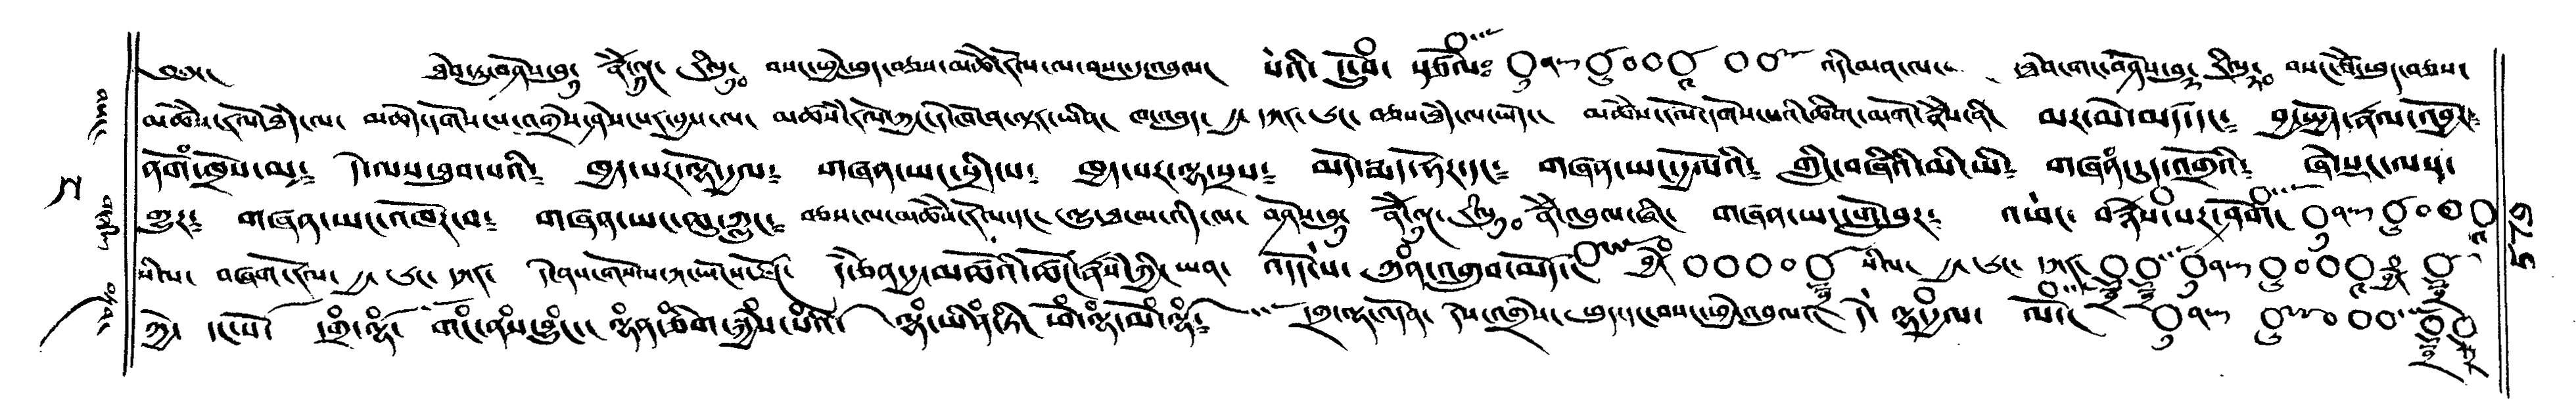ཐེབ་ཏུ་བཤོས་བུ་གཅིག རྣམ་ལྔ་གཅིག རིལ་བུ་བཅུ། བསང་ཕྱེ་ཕུད་བཅས་མཚམས་རོལ་ལ་བསང་དུ་འབུལ། དངོས་གྲུབ་སྩོལཿ འདི་མན་ལ། ཐེབ་གང་བཤོས་བུ་གཉིས། རིལ་བུ་ཉི་ཤུ། བསང་ཙམ་ཕུད་བཅས་
མཚམས་རོལ་ཐམས་ཅད་ལ་མཆོད་དགོས་པ་འགྲེས་ཤེས་པར་བྱ་ལ། མཚམས་རོལ་ཀྱང་དེ་ཁོ་ན་ལྟར་ཡིན། ཁ་འབུད། རྒྱ། དཀར། དུང་། བཅས་ཐམས་ཅད་ལ་ཡོད། མཚམས་རོལ་དགོས་པའི་ཚིག་མགོ་རྣམས་ནི། མར་མེ་མཛད་དང༴ བྱ་སྤྱོད་རྣལ་འབྱོར༴ 
ནག་མོ་ཁྲོས་མ༴ དེ་ལས་ཐུབ་པའི༴ ཁྱད་པར་ལྷོ་རྒྱལ༴ གཞན་ཡང་སྲིད་པ༴ ཁྱད་པར་ལྷ་སྲས༴ མདོ་སྨད་ཧོར་དང༴ གཞན་ཡང་རྒྱལ་པོའི༴ གླིང་བཞིའི་མི་ཡི༴ གཞན་པ་དུད་འགྲོའི༴ ཞེ་སྡང་ལས་
གྱུར༴ གཞན་ཡང་འཁོར་བ༴ གཞན་ཡང་ཆུ་ཀླུང༴ བཅས་ལ་མཚམས་རོལ་དང་། ལྷུ་ཐ་མ་འདི་ལ། བཤོས་བུ་གཅིག རྣམ་ལྔ་གཅིག རིལ་བུ་བཅུ་རྣམས་འབུལ་ཞིང་། གཞན་ཡང་གློ་བུར༴ བརྙེས་པར་ཤོག 
སིལ། བཞག་རོལ། རྒྱ། དུང་། དཀར། དེ་ནས་གསོལ་ཀ་ཡོངས་རྫོགས། དམ་ཅན་རྒྱ་མཚོའི་ཚོགས་རྣམས་ཀྱི། ཡན། འདོད་པ་ཀུན་འགྲུབ་མཛོད།སིལ། རྒྱ། དུང་། དཀར། 
ཀྱེ། དང་པོ་དགྲ་ལྷ་གང་ནས་བྱུང་། ལྷན་ཅིག་སྐྱེས་པའི་ལྷ་ཡིན་ཏེ། ཕོ་ལྷ་མོ་ལྷ༴ དགྲ་ལྷ་འདོན། དེས་འགྲེས། ཕུད་དང་བསང་ཕྱེ་འབུལ། ལྷ་རྒྱལ་ལོ།